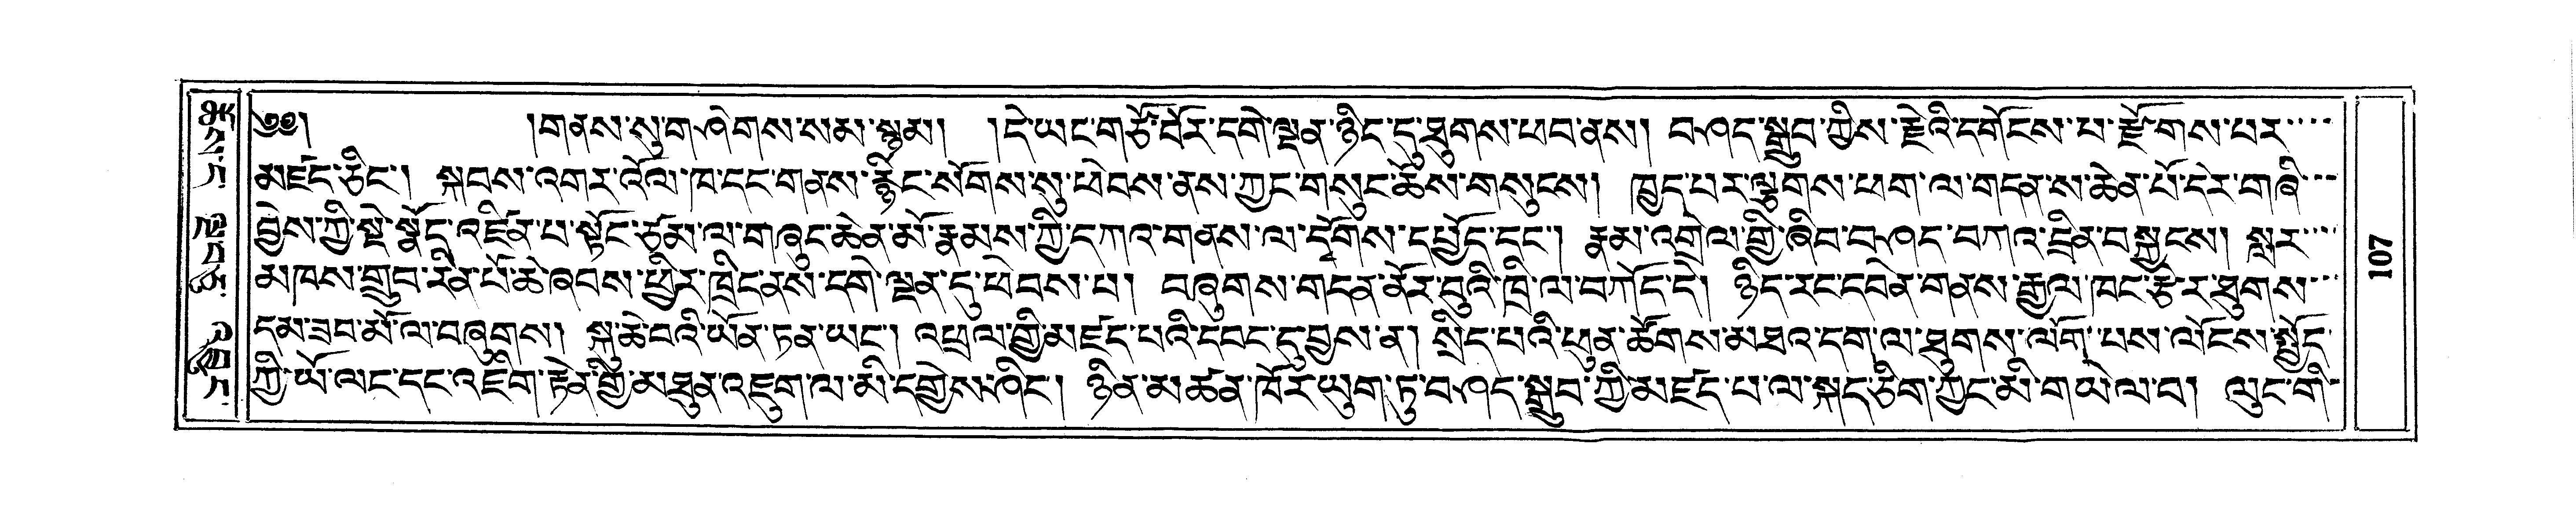༄༅། །གནས་སུ་གཤེགས་སམ་སྙམ། །དེ་ཡང་གཙོ་བོར་དགེ་ལྡན་ཉིད་དུ་ཐུགས་ཕབ་ནས། བཤད་སྒྲུབ་ཀྱིས་རྗེའི་དགོངས་པ་རྫོགས་པར་
མཛད་ཅིང་། སྐབས་འགར་འོལ་ཁ་དང་གནས་རྙིང་སོགས་སུ་ཕེབས་ནས་ཀྱང་གསུང་ཆོས་གསུངས། ཁྱད་པར་ལྕགས་ཕག་ལ་གདན་ས་ཆེན་པོ་དེར་གཞི་
བྱེས་ཀྱི་སྡེ་སྣོད་འཛིན་པ་སྟོང་ཙམ་ལ་གཞུང་ཆེན་མོ་རྣམས་ཀྱི་དཀའ་གནས་ལ་དྭོགས་དཔྱོད་དང་། རྣམ་འགྲེལ་གྱི་ཞིབ་བཤད་བཀའ་དྲིན་བསྐྱངས། སླར་
མཁས་གྲུབ་རིན་པོ་ཆེ་ཞབས་ཕྱིར་ཁྲིད་ནས་དགེ་ལྡན་དུ་ཕེབས་པ། བཞུགས་གདན་ནོར་བུའི་ཁྲི་ལ་བཀོད་དེ། ཉིད་རང་དབེན་གནས་རྒྱལ་ཁང་རྩེར་ཐུགས་
དམ་ཟབ་མོ་ལ་བཞུགས། སྐུ་ཆེ་བའི་ཡོན་ཏན་ཡང་། འཕྲལ་གྱི་མཛད་པའི་དབང་དུ་བྱས་ན། སྲིད་པའི་ཕུན་ཚོགས་མཐའ་དག་ལ་ཐུགས་ལོག་པས་ལོངས་སྤྱོད་
ཀྱི་ཡོ་ལང་དང་འཇིག་རྟེན་གྱི་མཐུན་འཇུག་ལ་མི་དགྱེས་ཤིང་། ཉིན་མཚན་ཁོར་ཡུག་ཏུ་བཤད་སྒྲུབ་ཀྱི་མཛད་པ་ལ་སྐད་ཅིག་ཀྱང་མི་གཡེལ་བ། ལུང་གི་